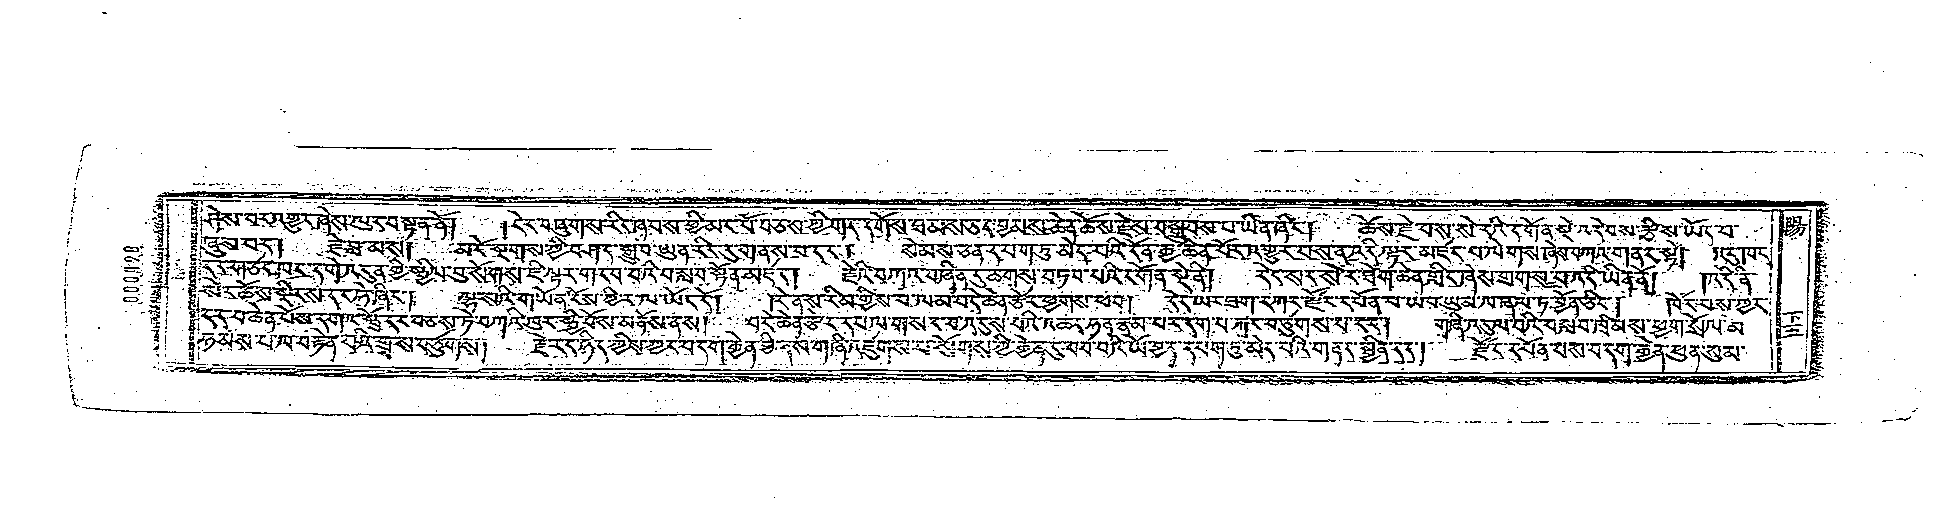ཤེས་པར་འགྱུར་ཞེས་ལུང་བསྟན་ནོ། །དེར་བཞུགས་རིང་ཞབས་ཕྱི་མང་པོ་བཅས་ཀྱི་གང་དགོས་ཐམས་ཅད་བྱམས་ཆེན་ཆོས་རྗེས་བསྒྲུབས་པ་ཡིན་ཞིང་། ཆོས་རྗེ་པས་སེ་རའི་དགོན་སྡེ་འདེབས་རྩིས་ཡོད་པ་
ཞུས་པར། རྗེ་བླ་མས། མདོ་སྔགས་ཀྱི་བཤད་སྒྲུབ་ཡུན་རིང་དུ་གནས་པ་དང་། སེམས་ཅན་དཔག་ཏུ་མེད་པའི་དོན་རྒྱ་ཆེན་པོར་འགྱུར་བས་ན་འདི་ལྟར་མཛད་པ་ལེགས་ཞེས་བཀའ་གནང་སྟེ། འདུ་ཁང་
དང་གཙང་ཁང་དགེ་འདུན་གྱི་སྤྱིལ་བུ་སོགས་ཇི་ལྟར་གདབ་བའི་བསླབ་སྟོན་མཛད། རྗེའི་བཀའ་བཞིན་དུ་ཆགས་བཏབ་པའི་དགོན་སྡེ་ནི། དེང་སང་སེ་ར་ཐེག་ཆེན་གླིང་ཞེས་གྲགས་པ་འདི་ཡིན་ནོ། །འདི་ནི་
སེར་ཆོས་སྡིངས་དང་ཉེ་ཞིང་། ལྷ་སའི་གཡོན་ངོས་ཀྱི་ར་ལ་ཡོད་དོ། །དེ་ནས་རིམ་གྱིས་བ་ལམ་བདེ་ཆེན་རྩེར་ཕྱགས་ཕབ། དེར་ཡང་ཐག་དཀར་རྫོང་དཔོན་པ་ཡབ་ཡུམ་ལ་ཞལ་ཏ་བྱོན་ཅིང་། ཁོང་བས་ཀྱང་
དད་པ་ཆེན་པོས་དགའ་སྤྲོ་དང་བཅས་ཏེ་བཀའི་ཁུར་སྤྱི་བོས་མནོས་ནས། བདེ་ཆེན་རྩེར་དཔལ་གསང་བ་འདུས་པའི་འཆད་ཉན་རྣམ་པར་དག་པ་རྐང་བཙུགས་པ་དང་། གཞི་འདུལ་བའི་བསླབ་ཁྲིམས་ཕྱག་སྲོལ་མ་
ཉམས་པ་ལ་བརྟེན་པའི་གྲྭ་ས་བཙུགས། རྗེ་རང་ཉིད་ཀྱིས་བདག་རྐྱེན་གྱི་ནས་གཞི་འཛུགས་པ་སོགས་ཀྱི་རྐྱེན་དུ་བབ་པའི་ཡོ་བྱད་དཔག་ཏུ་མེད་པའི་གནད་སྦྱིན་དང་། རྫོང་དཔོན་པས་བདག་རྐྱེན་ཕུན་སུམ་